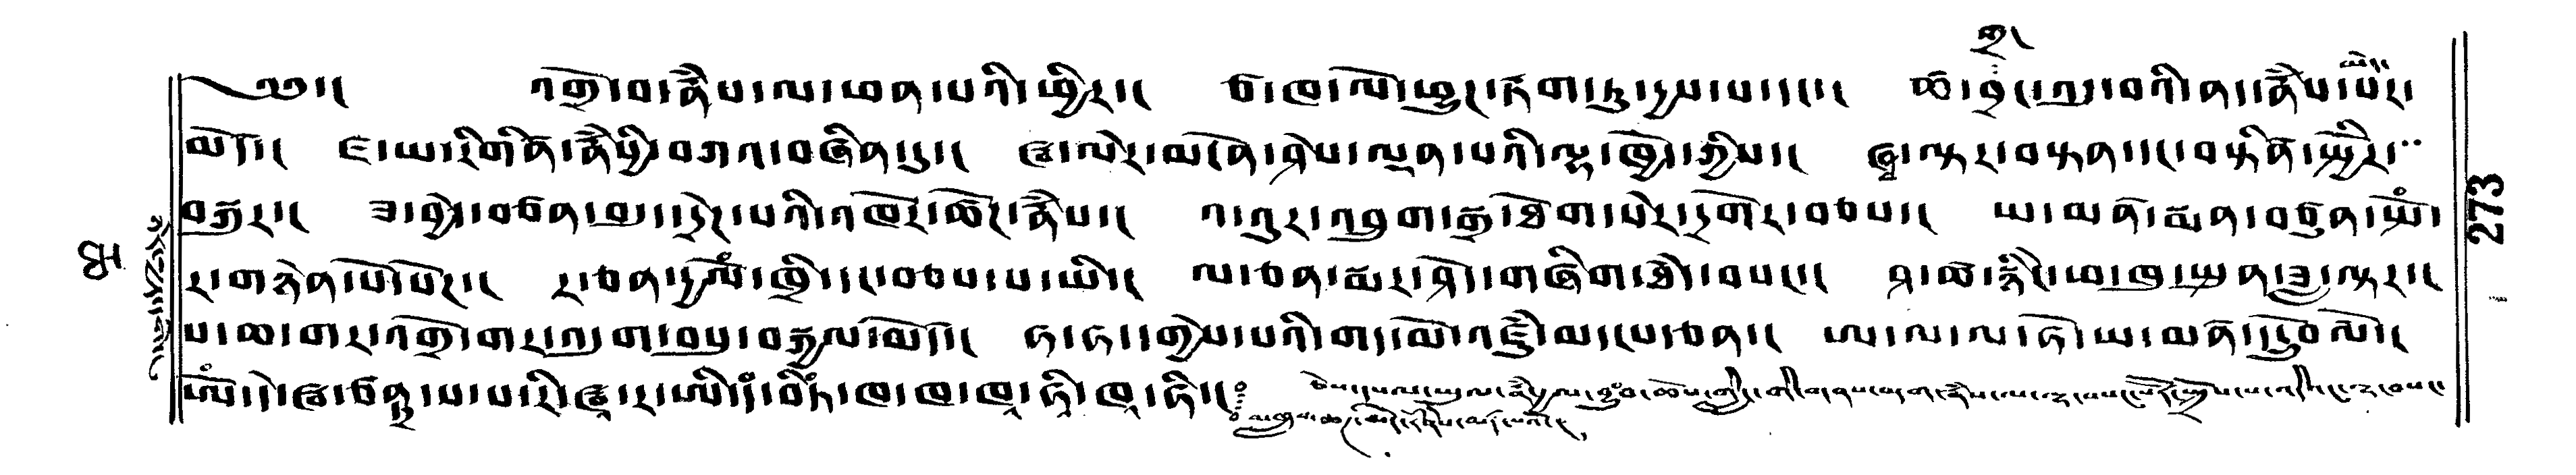འགྲོ་བ་རྣམས་ལ་ཕན་པའི་ཕྱིར། །ཙ་ཁ་ལོ་ཕྱུགས་རྟག་ཏུ་རྒྱས་པ་དང་། །ཚ་བྲང་འདུ་བའི་ནད་རྣམས་མེད་པར་
མཛོད། །ཛ་ཡ་རིག་འཛིན་རྣམས་ཀྱི་བཀའ་བཞིན་དུ། །ཝ་ལེར་མངོན་ཤེས་ལྡན་པའི་ལྷ་ཁྱོད་ཀྱིས། །ཞྭ་ལྟར་བསྟན་དང་བསྟན་འཛིན་སྤྱི་བོར་
བསྐུར། །ཟ་བྱེད་བཙན་བདུད་དྲེགས་པའི་འཁོར་ཚོགས་རྣམས། །འ་འུར་འབྲུག་སྒྲ་ཐོག་སེར་དྲག་པོར་བཅས། །ཡ་མཚན་སྨན་བཙུན་སྤོམ་
ར་གཉེན་པོ་སོགས། །ར་ཅན་རྒྱལ་མོ་ཁྲི་དང་བཅས་པ་ཡི། །ལ་ཅན་སྨར་ཤོད་གཞི་བདག་ཐམས་ཅད་བསང་། །ཤ་ཚ་སྙིང་རྗེ་ཕ་ཁུ་སྤུན་ཟླ་ལྟར། །
ས་ཆ་གར་འགྲོ་གར་འདུག་བསུ་བསྐྱེལ་མཛོད། །ཧ་ཧ་དགྱེས་པའི་གད་མོ་འཛུམ་མདངས་ཅན། །ཨ་ལ་ལ་ཧོ་ཡ་མཚན་དངོས་གྲུབ་སྩོལ། 
ཨོཾ་དེ་ཝ་ཙནྟྲ་ས་པ་རི་ཝཱ་ར་ཨི་དཾ་བ་ལིངྟ་ཁ་ཁ་ཁཱ་ཧི་ཁཱ་ཧི།མཁས་གྲུབ་ཆགས་མེད་རིན་པོ་ཆེས་མཛད་པའོ།། ཅེས་དཔལ་ཡུལ་རྣམ་རྒྱལ་བྱང་ཆུབ་ཆོས་གླིང་གི་གནས་བདག་རྣམས་ལ་ལྷ་བསང་སོ་སོར་སྤྲོས་པ་འདིའང་། ལྷ་བསང་